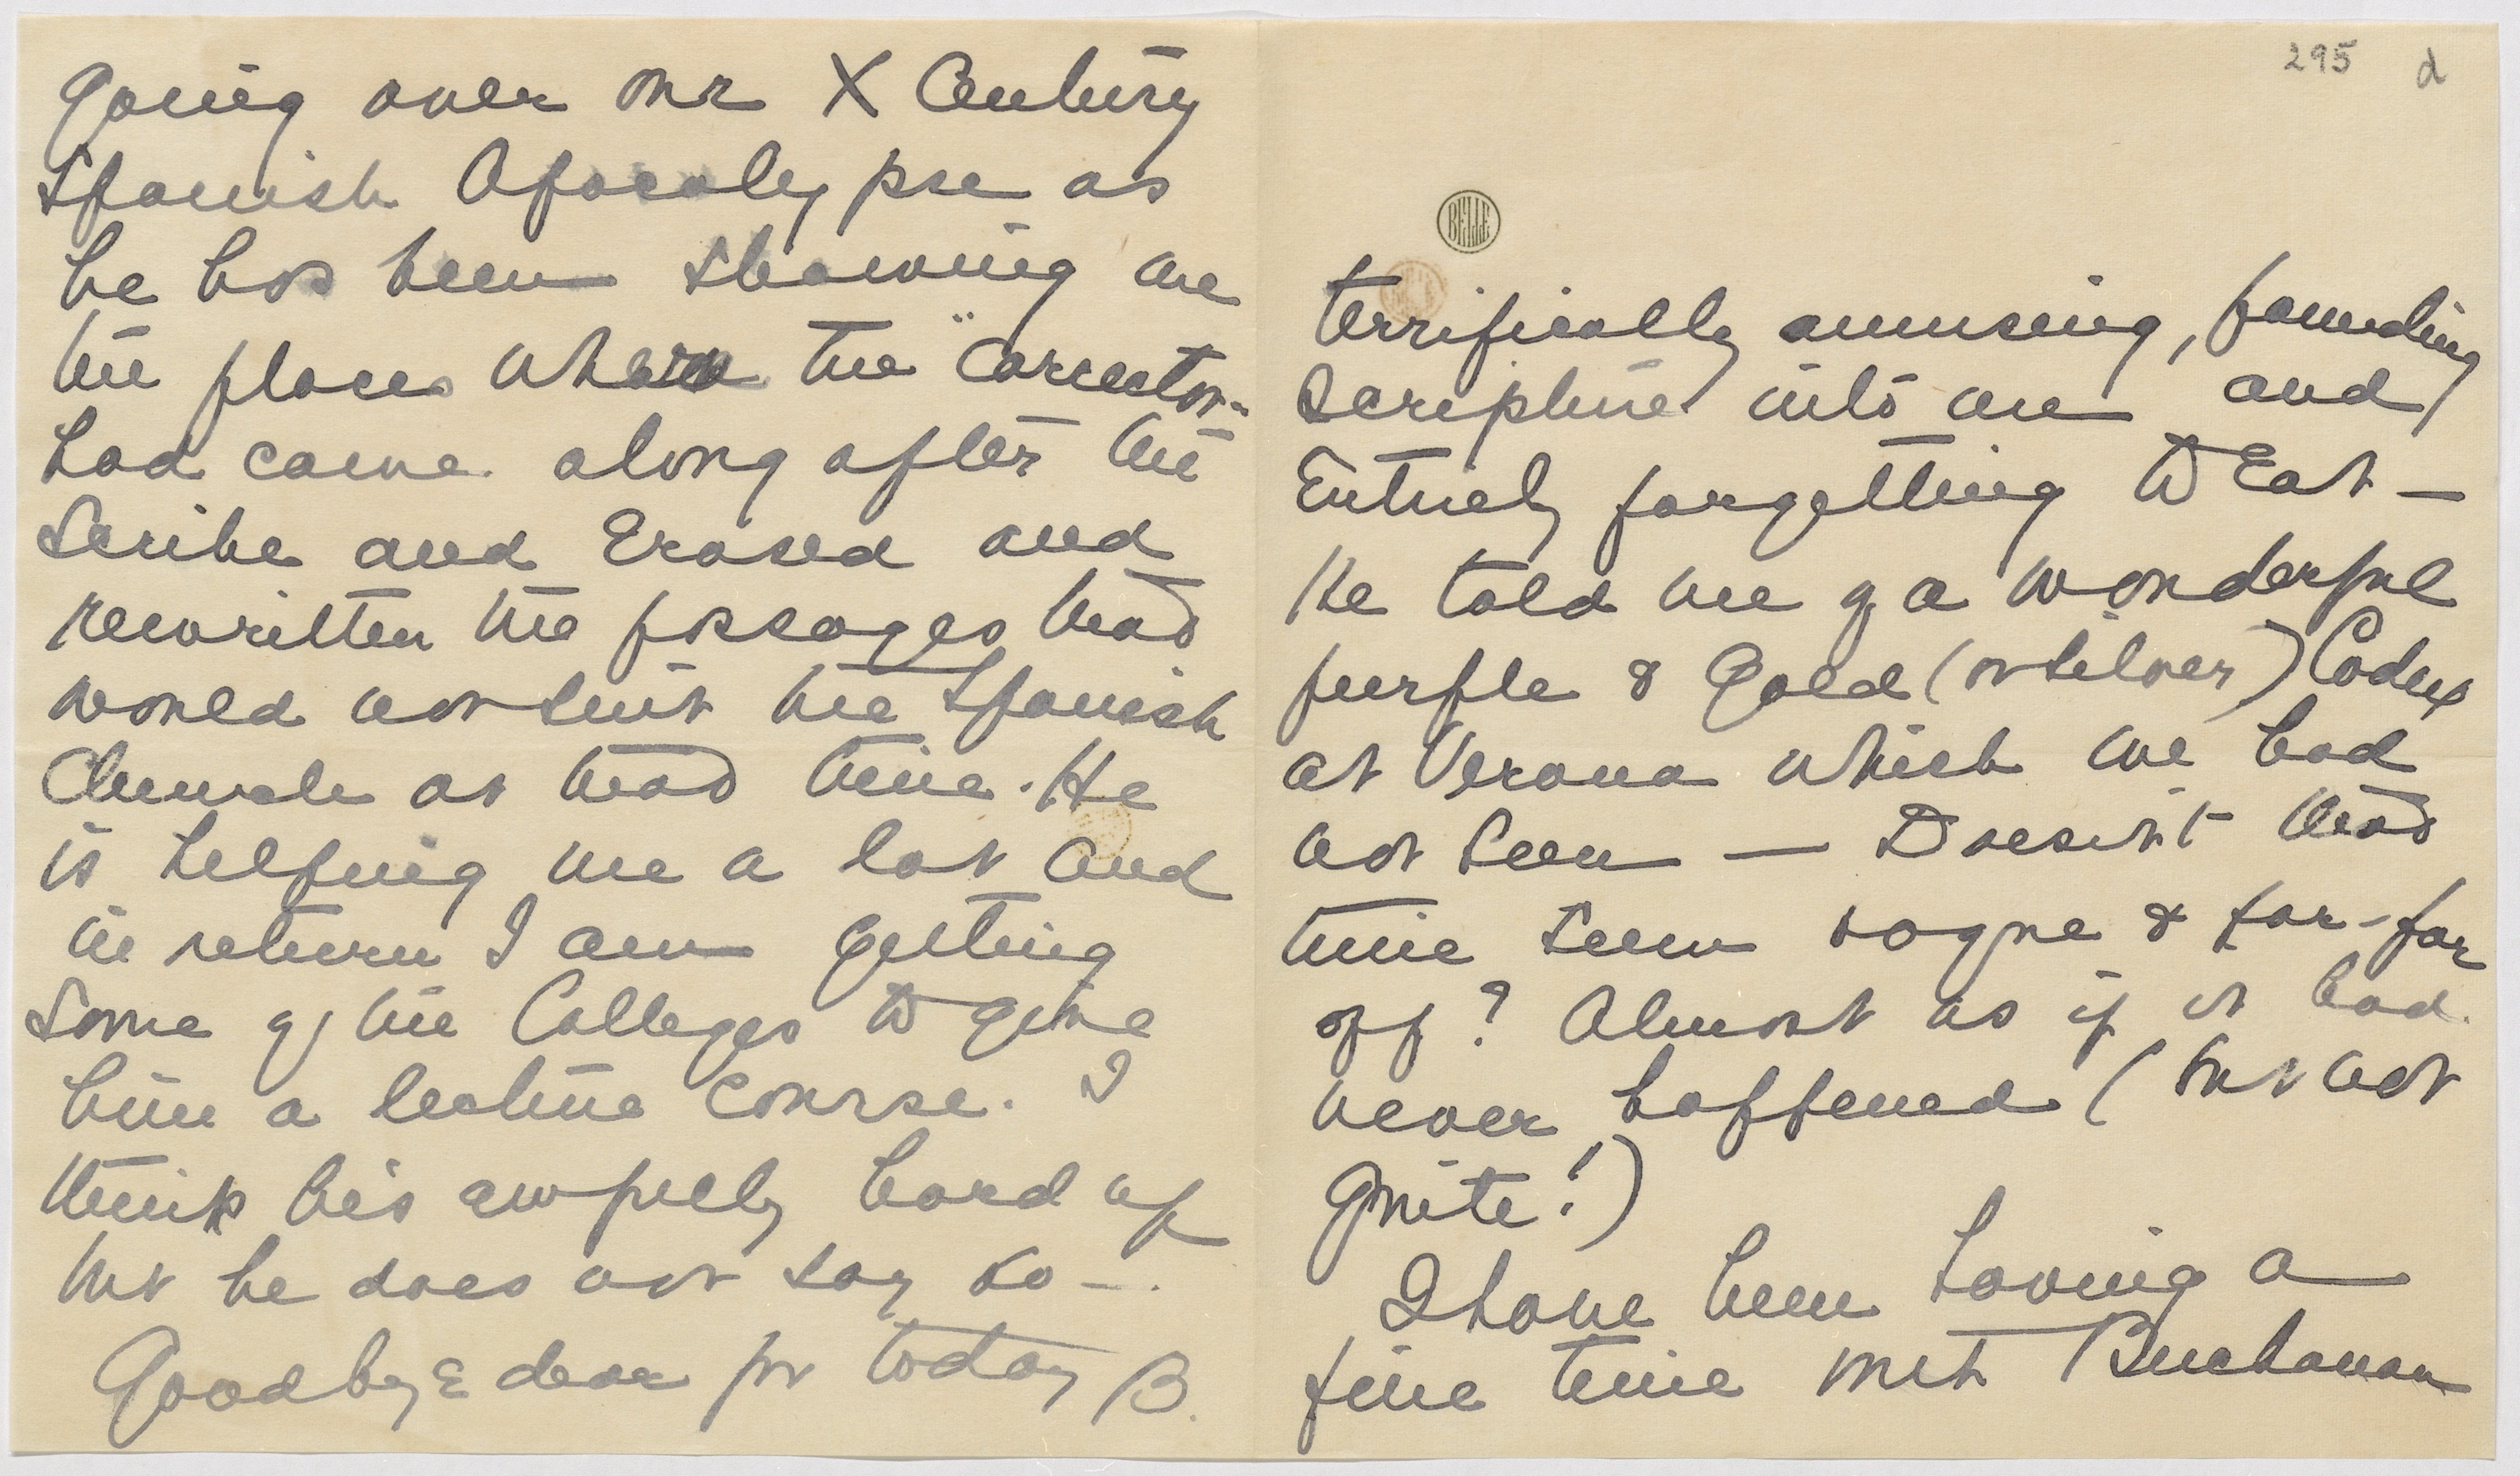terrifically amusing, pounding scripture into me and entirely forgetting to eat – He told me of a wonderful purple & Gold (or silver) Codex at Verona which we had not seen – Doesn’t that time seem vague & far-far off? Almost as if it had never happened (but not quite!)
I have been having a fine time with Buchanan
going over one X Century Spanish Apocalypse as he has been showing me the place where the “corrector” had come along after the Scribe and erased and rewritten the passages that would not suit the Spanish Church at that time. He is helping me a lot and in return I am getting some of the Colleges to give him a lecture course. I think he’s awfully hard up but he does not say so –
Goodbye dear for today B.